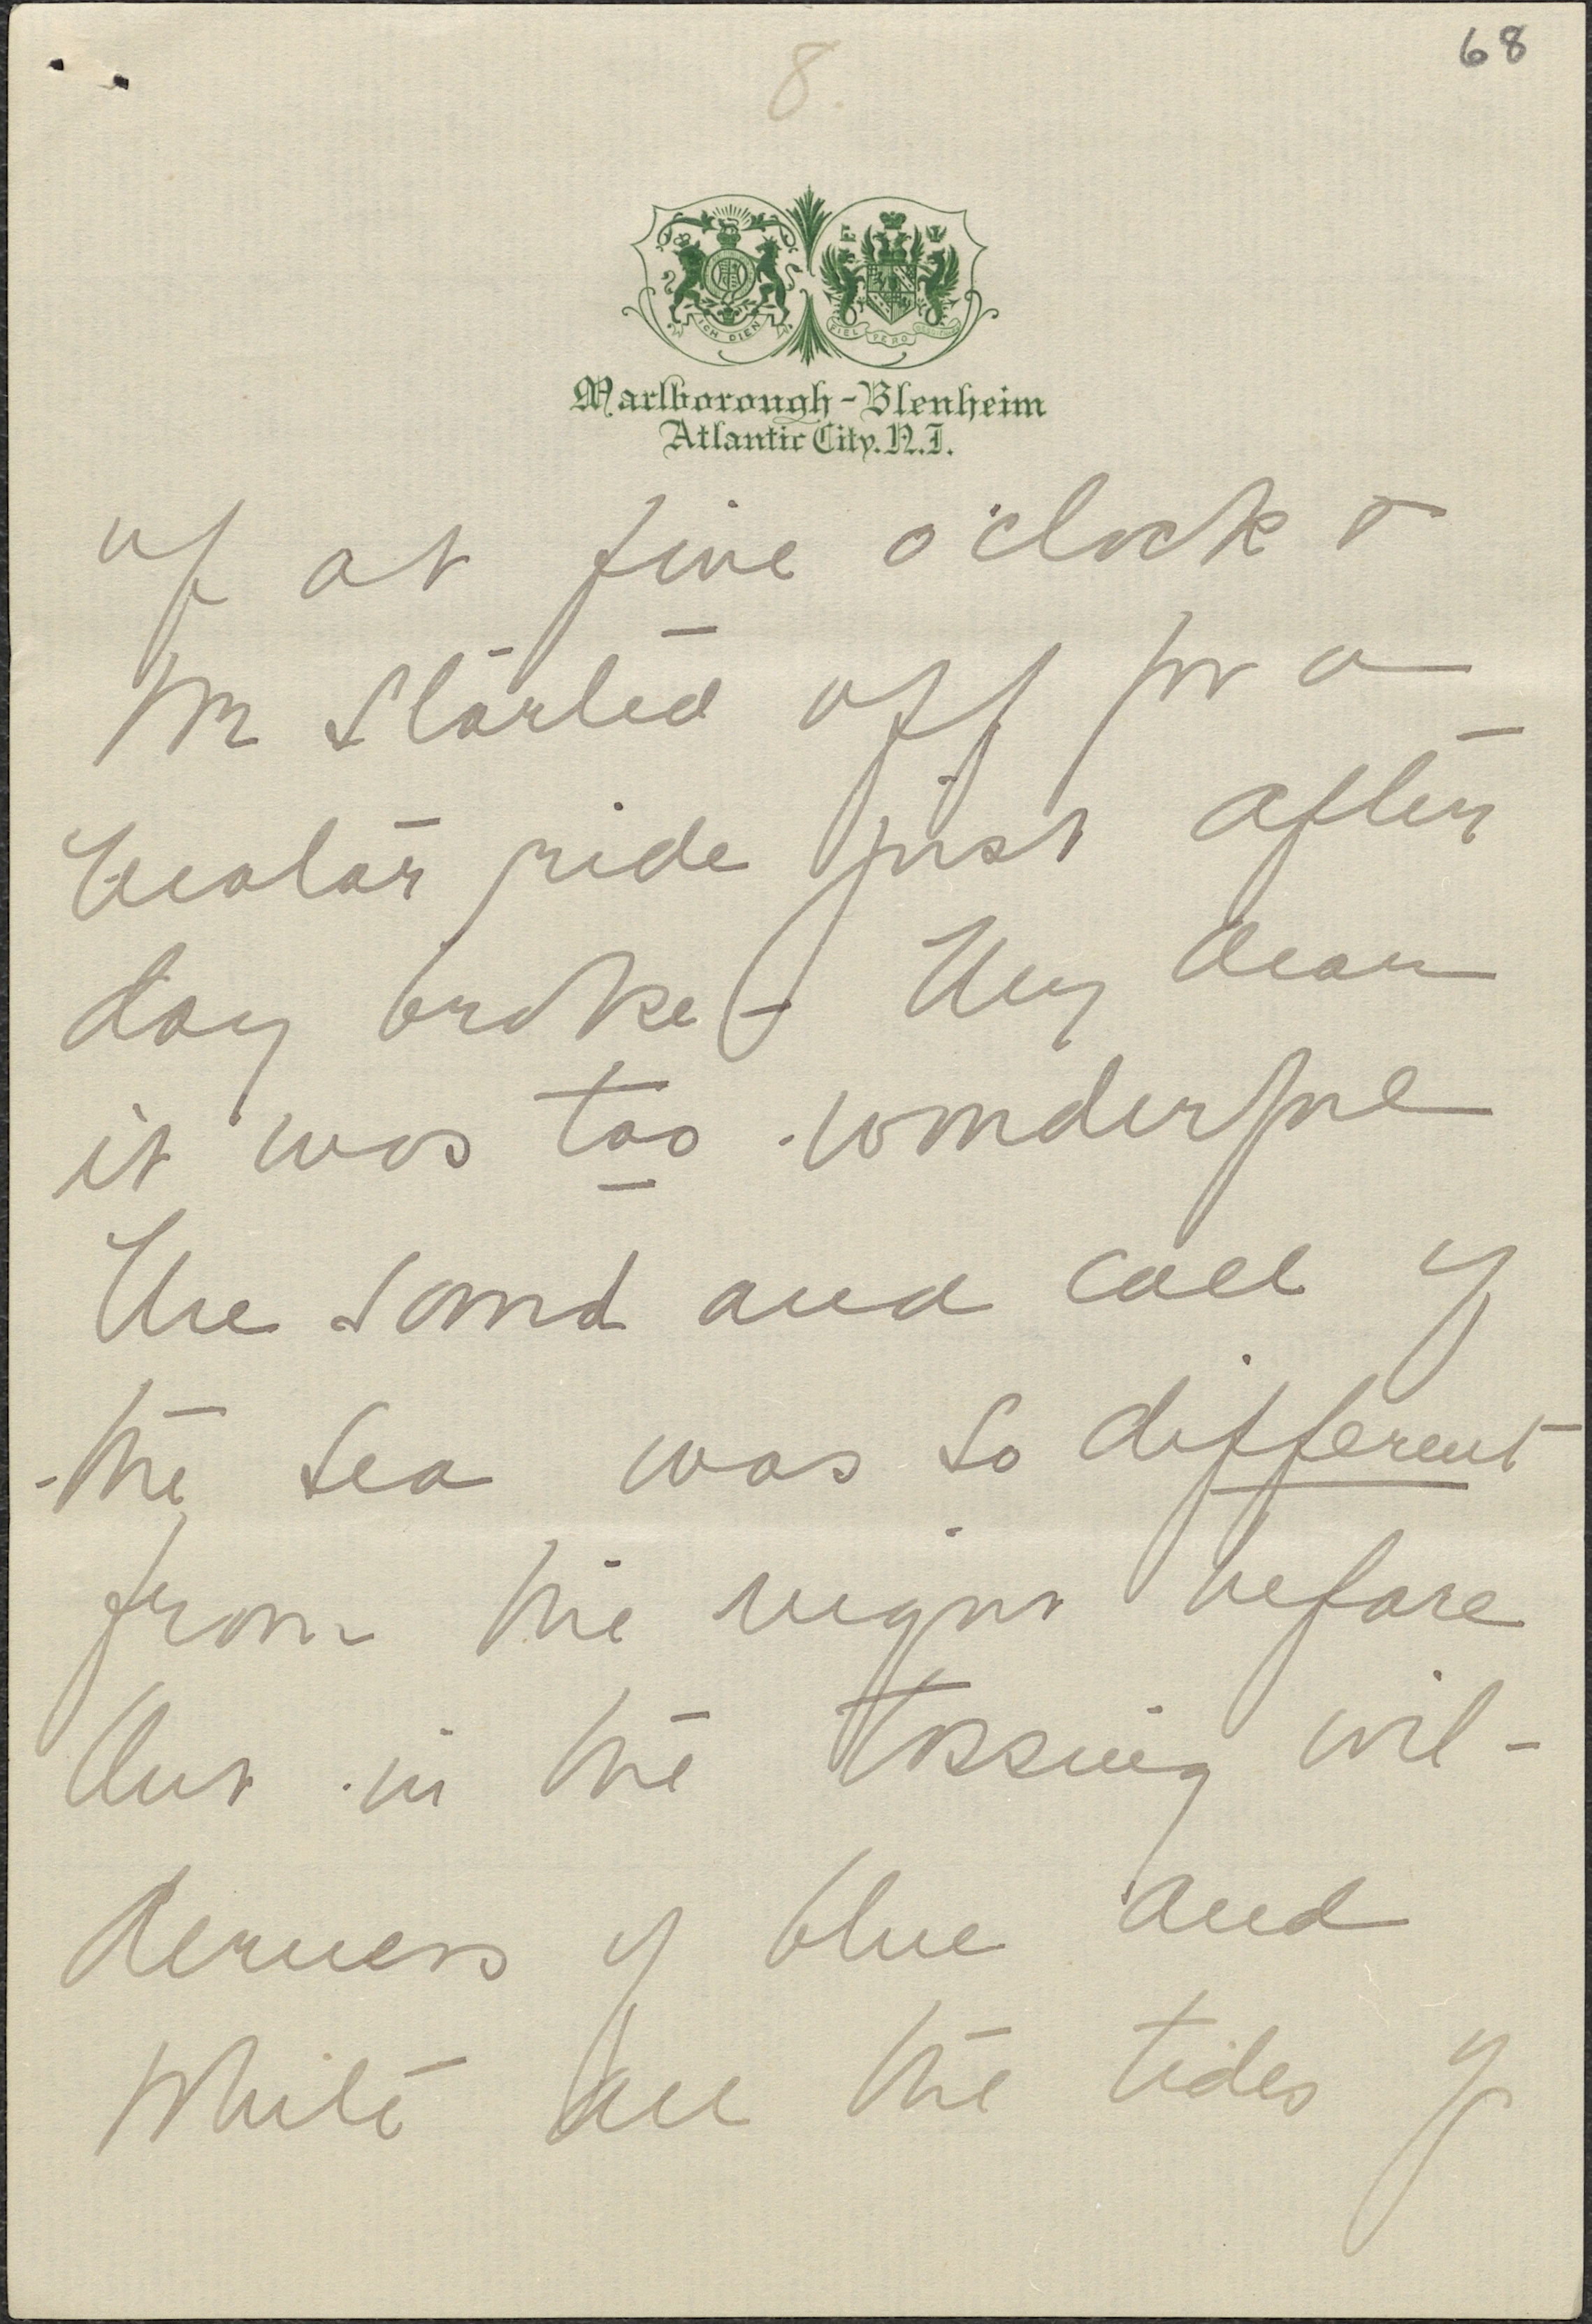8
up at five o’clock & we started off for a motor ride just after day broke – My dear it was too wonderful
The sound and call of the sea was so different from the night before
Out in the tossing wilderness of blue and white all the tides of